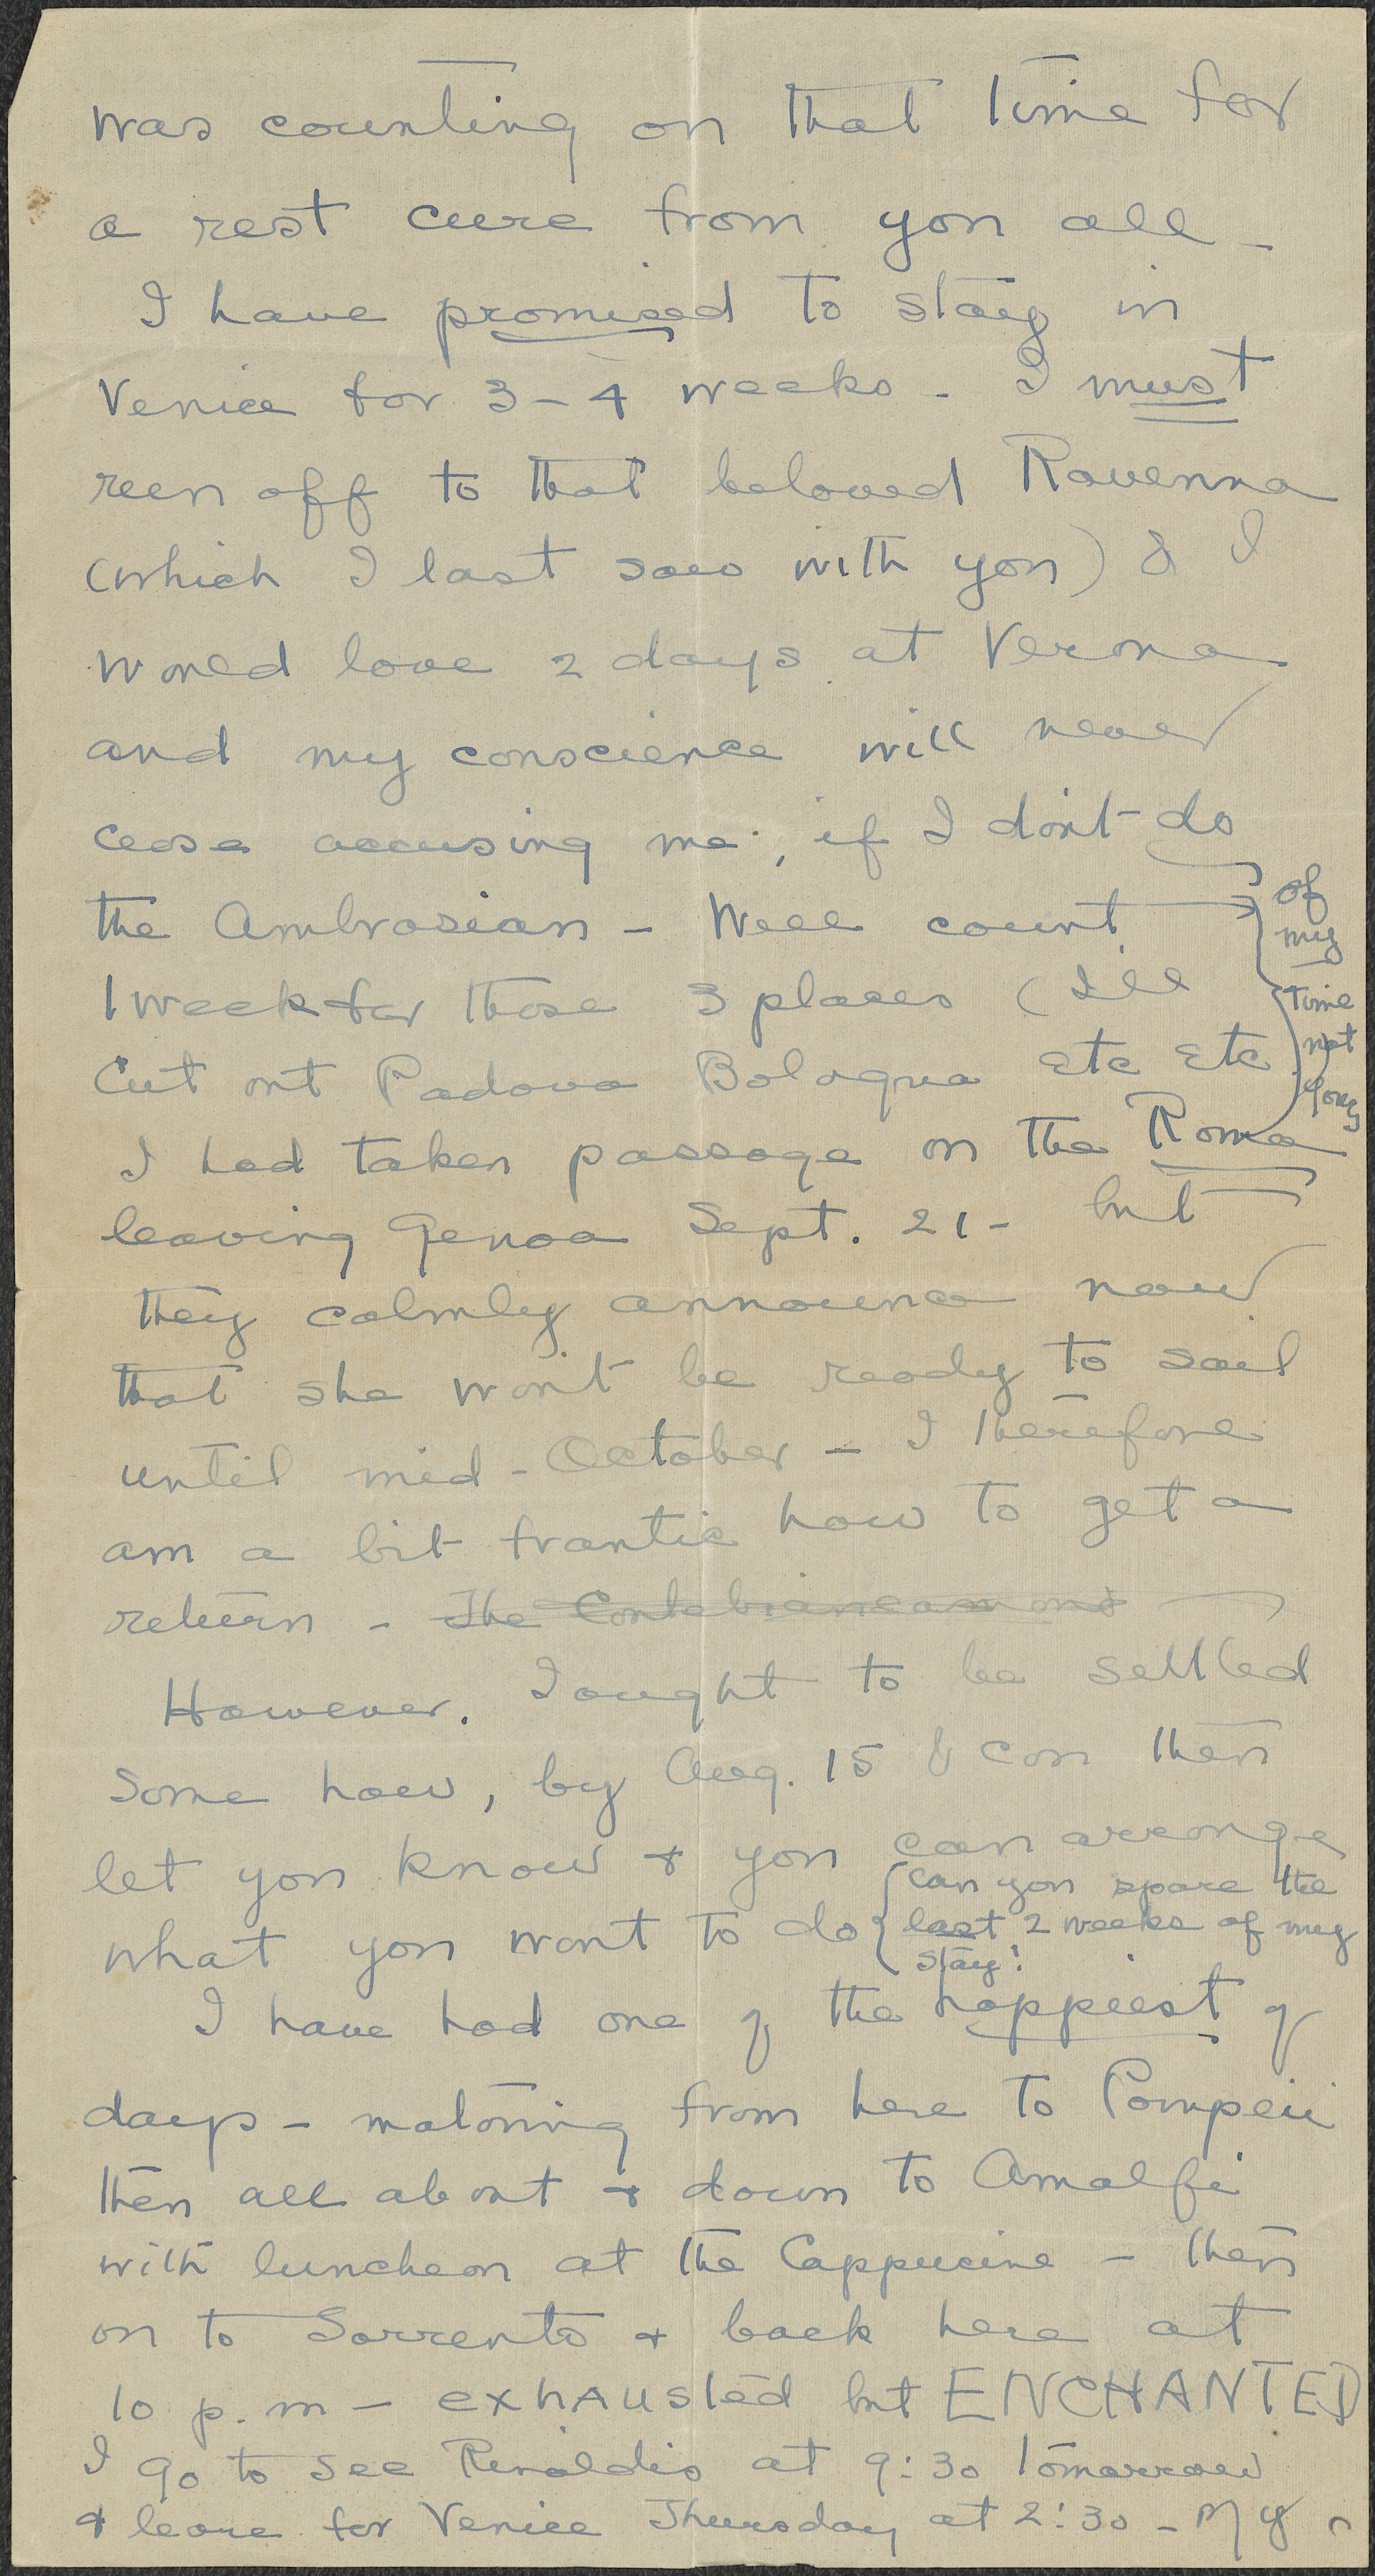was counting on that time for a rest cure from you all –
I have promised to stay in Venice for 3-4 weeks. I [double underlined: must] run off to that beloved Ravenna (which I last saw with you) & I would love 2 days at Verona and my conscience will never cease accusing me; if I don’t do the Ambrosian – Will count [inserted in the margin: of my time not yours] 1 week for those 3 places (I’ll cut out Padoua Bologna etc etc).
I had taken passage on the Roma leaving Genoa Sept. 21 – but they calmly announce now that she won’t be ready to sail until mid-October – I therefore am a bit frantic how to get a return– The Contabiancamont
However, I ought to be settled some how, by Aug. 15 & can then let you know & you can arrange what you want to do [inserted in smaller hand in the paragraph indent: can you spare the last 2 weeks of my stay?]
I have had one of the happiest of days – motoring from here to Pompeii then all about & down to Amalfi with luncheon at the Cappucine – then on to Sorrento & back here at 10 p.m – [in print script: exhausted] but [in print script: ENCHANTED]. I go to see Rinaldio at 9:30 tomorrow & leave for Venice Thursday at 2:30 – My